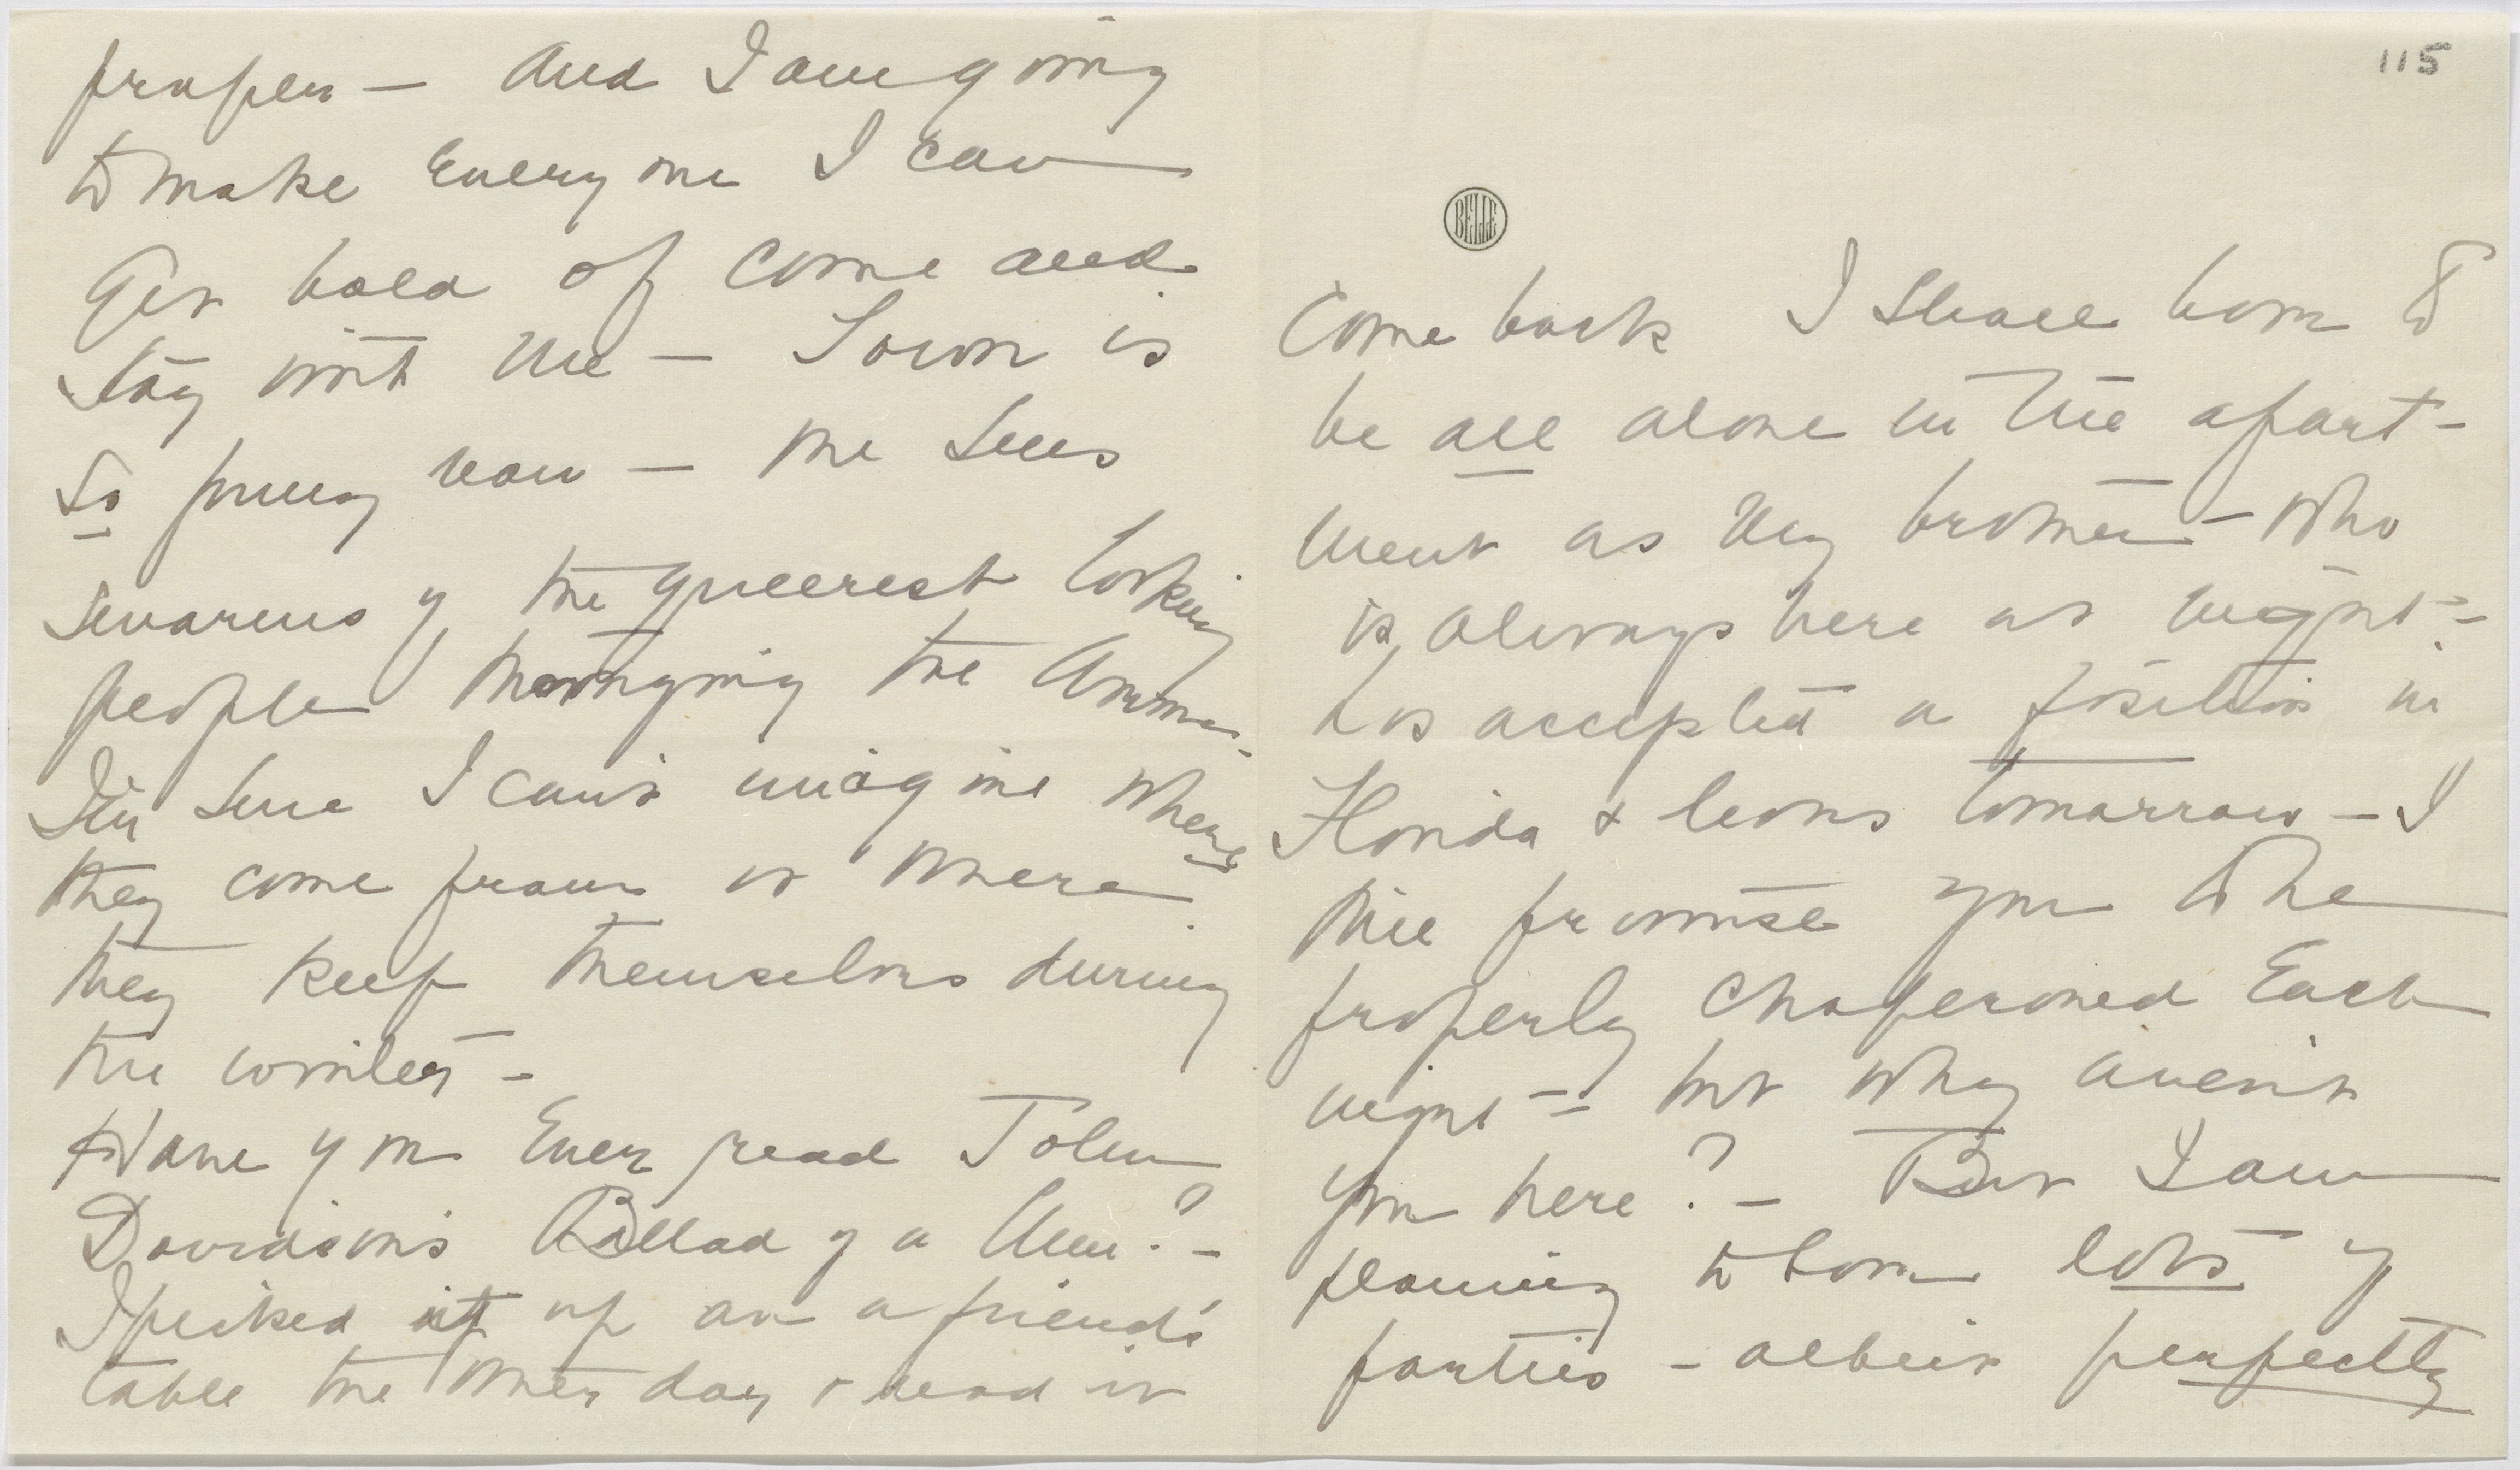come back I shall have to be all alone in the apartment as my brother – who is always here at night – has accepted a position in Florida & leaves tomorrow – I will promise you to be properly chaperoned each night – but why aren’t you here? – But I am planning to have lots of parties – albeit perfectly
proper – and I am going to make every one I can get hold of come and stay with me – Town is so funny now – one sees servants of the queerest looking people thronging the Avenues – I’m sure I can’t imagine where they come from or where they keep themselves during the winter –
Have you ever read John Davidson’s Ballad of a Nun? – I picked it up on a friend’s table the other day & read it